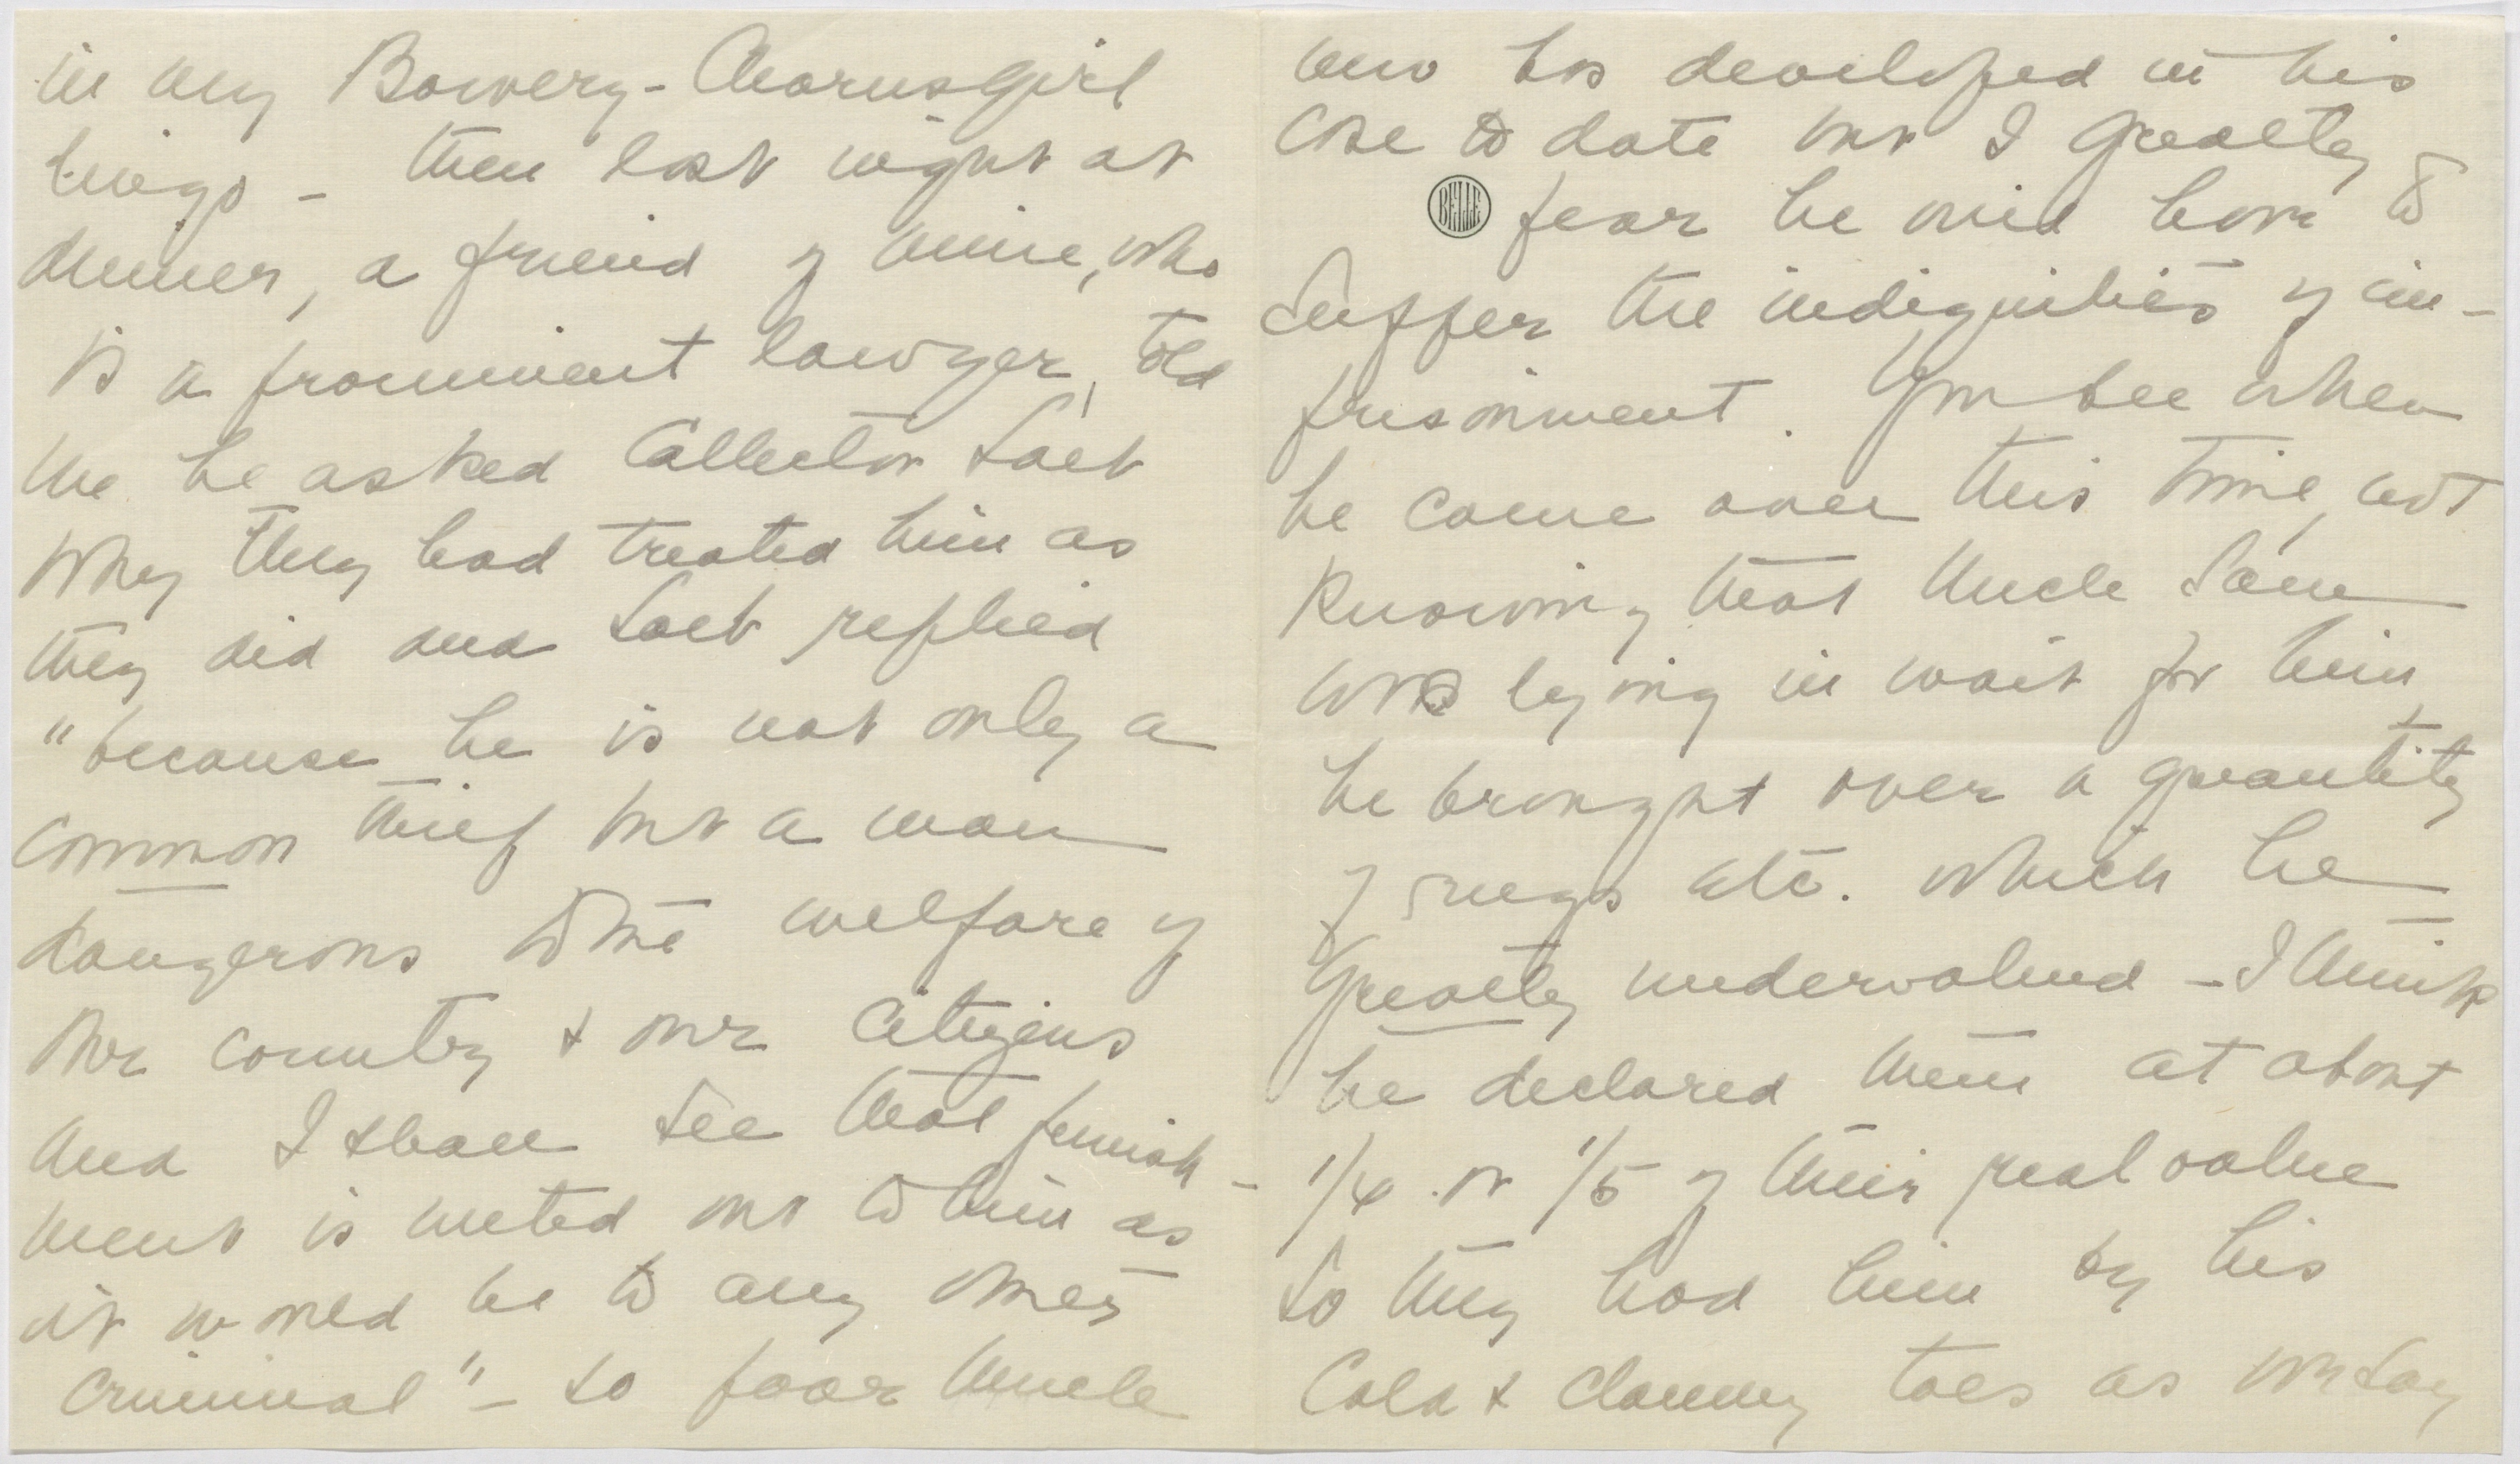new has developed in his case to date but I greatly fear he will have to suffer the indignities of imprisonment. You see when he came over this time, not knowing that Uncle Sam was lying in wait for him, he brought over a quantity of rugs etc. which he greatly undervalued – I think he declared them at about 1/6 or 1/5 of their real value so they had him by his cold & clammy toes as we say
in my Bowery-Chorus girl lingo – then last night at dinner, a friend of mine, who is a prominent lawyer, told me he asked Collector Loeb why they had treated him as they did and Loeb replied “because he is not only a common thief but a man dangerous to the welfare of our country & our citizens and I shall see that punishment is meted out to him as it would be to any other criminal” – so poor Uncle